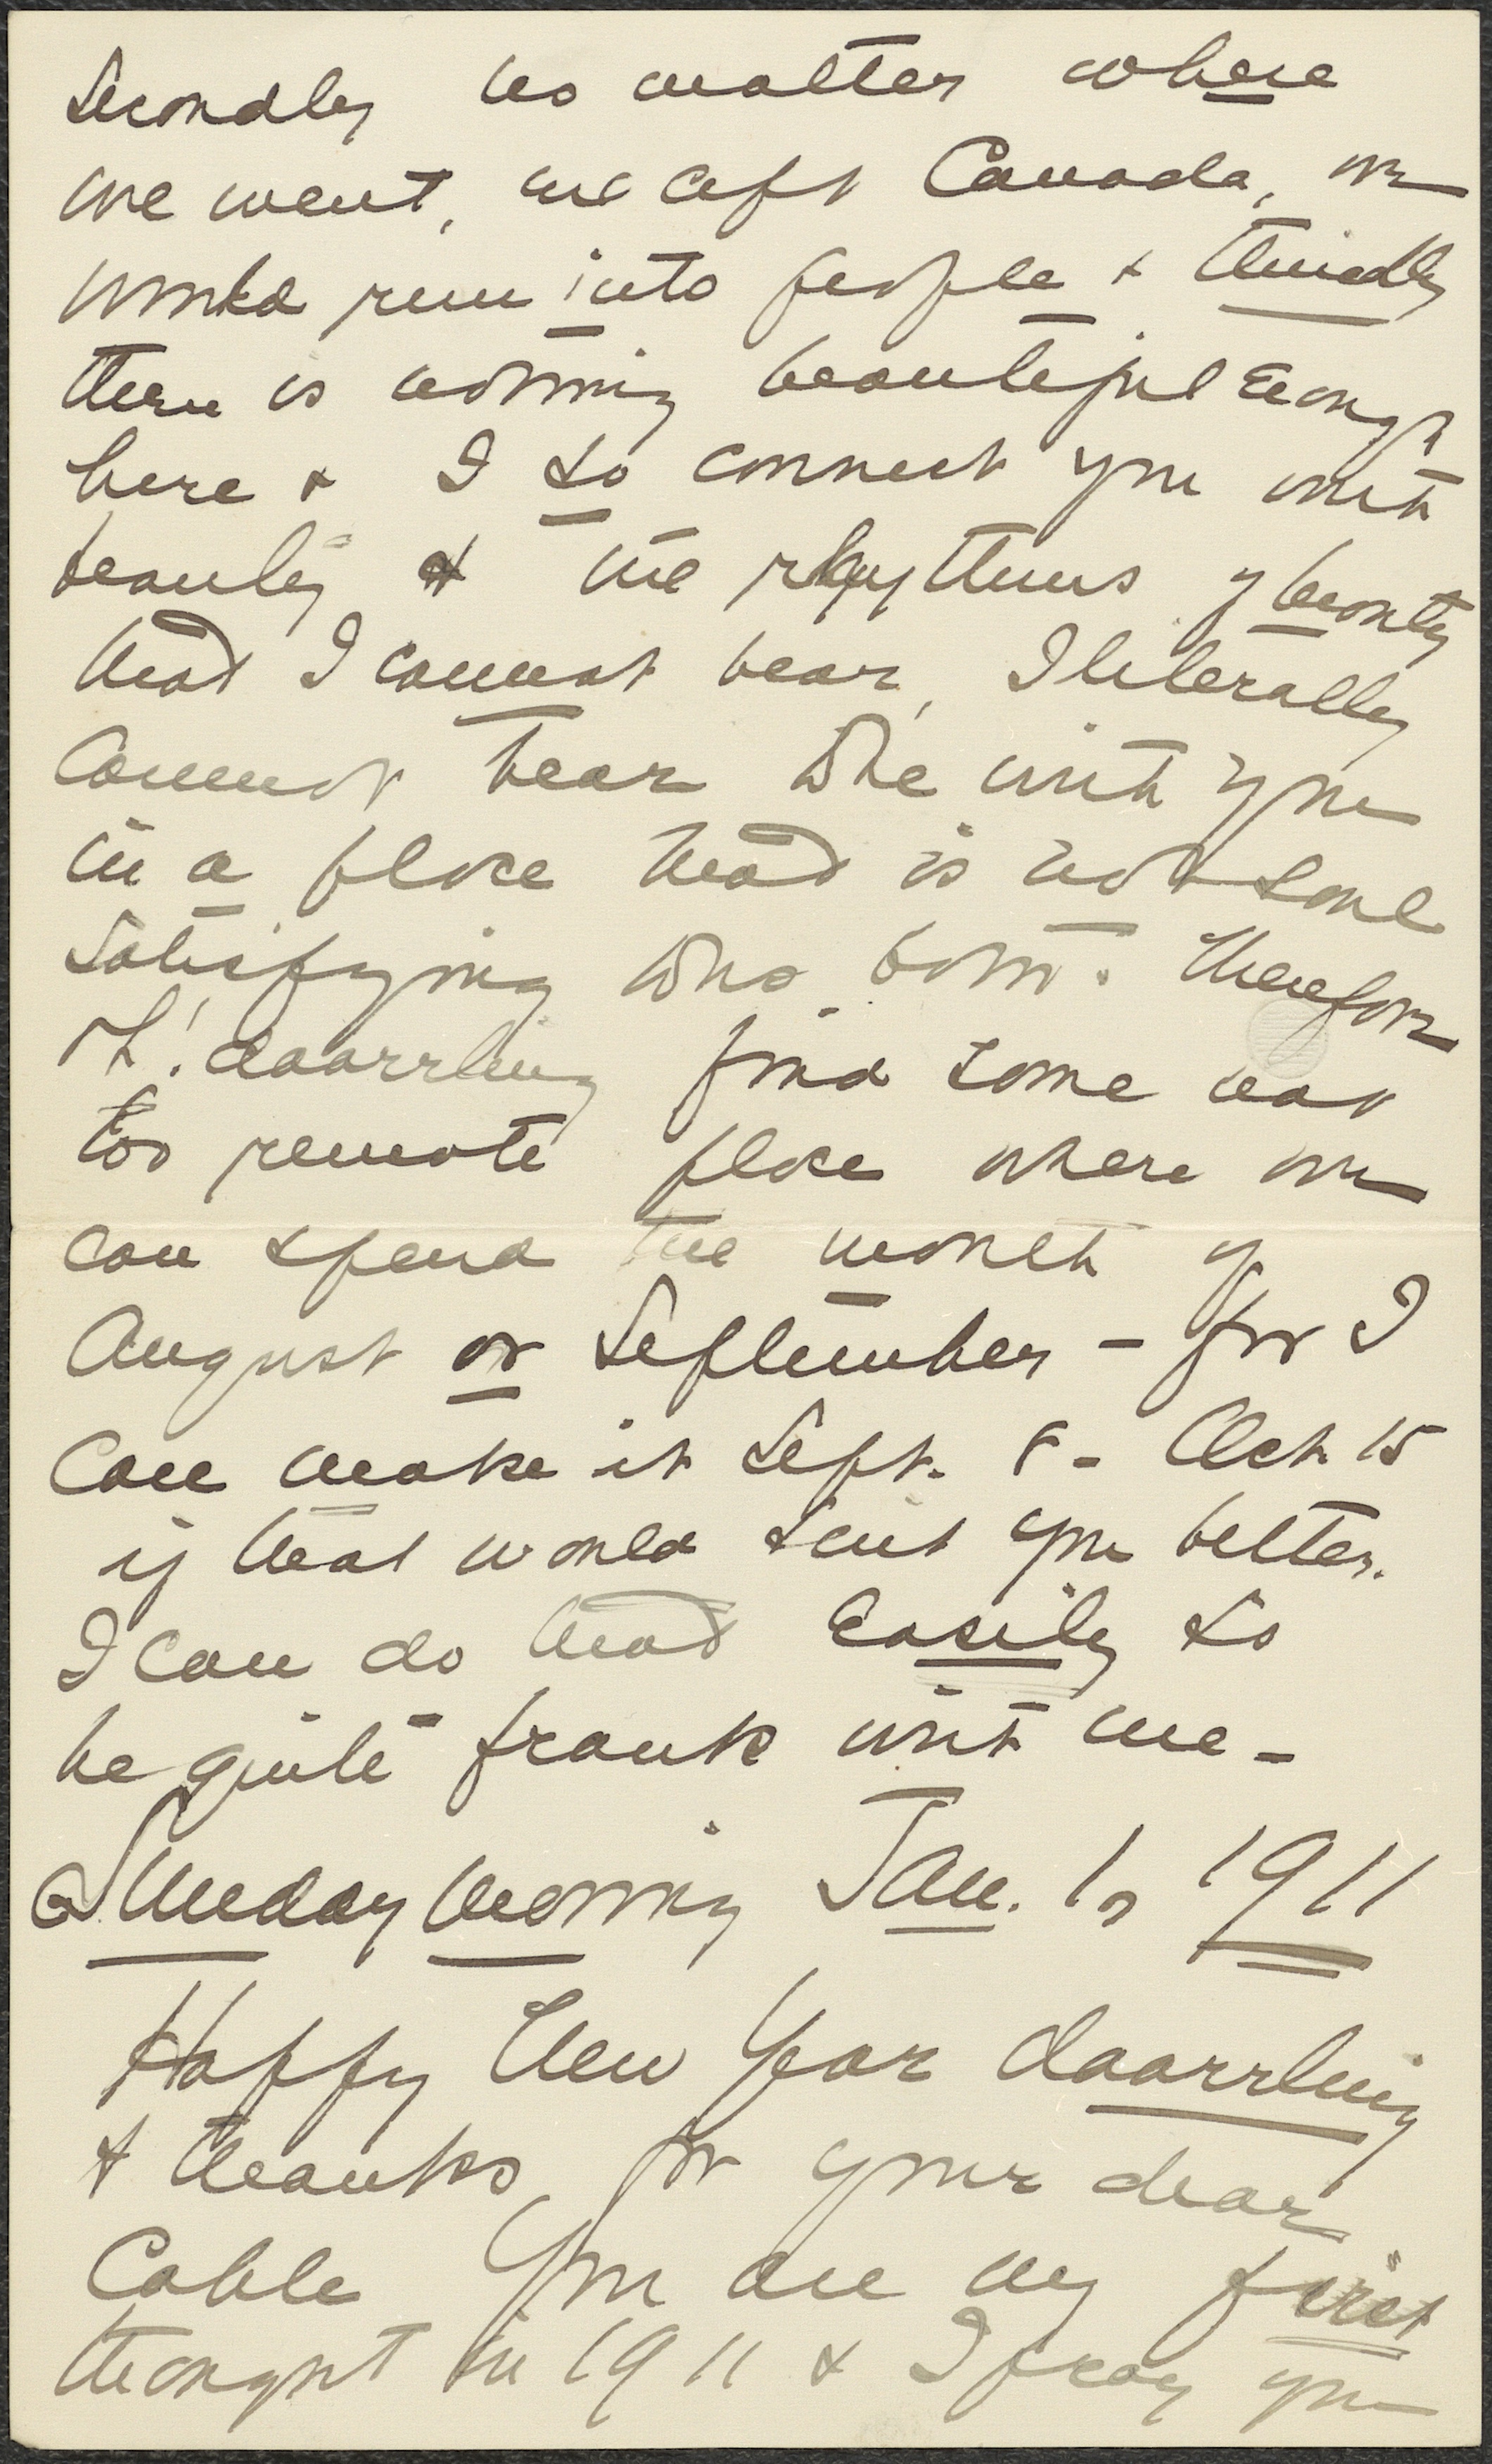secondly no matter where we went, except Canada, we would run into people & thirdly there is nothing beautiful enough here & I do connect you with beauty & the rhythms of beauty that I cannot bear, I literally cannot bear to be with you in a place that is not soul satisfying to us both. Therefore oh! daarrling find some not too remote place where we can spend the month of August or September – for I can make it Sept. 8 - Oct 15 if that would suit you better. I can do that easily so be quite frank with me –
Sunday morning Jan. 1, [double underlined: 1911]
Happy New Year daarrling & thanks for your dear cable You are my first thought in 1911 & I pray you